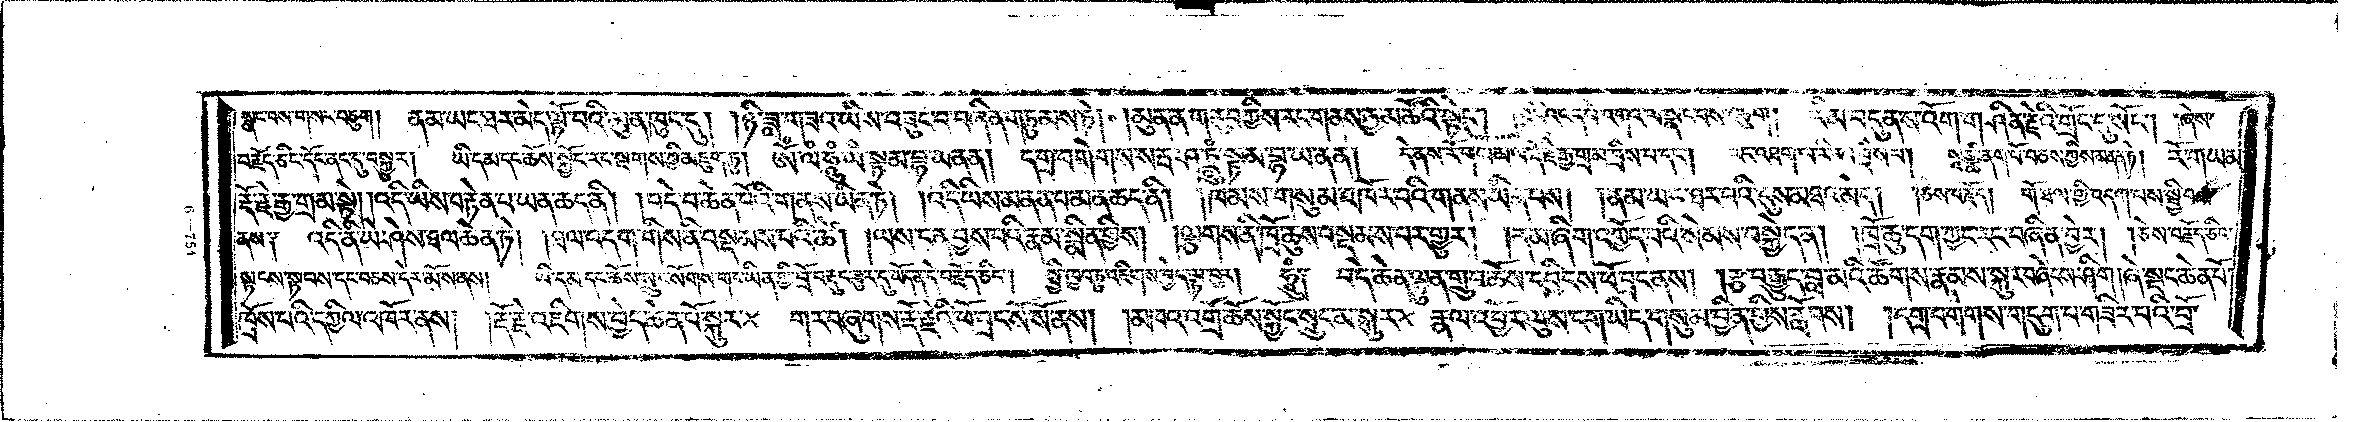སྣང་བས་གསར་བཅུག། ནམ་ཡང་ཐར་མེད་ལྟོ་བའི་མུན་ཁུང་དུ། །ཉི་ཟླ་གཟའ་ཡིས་བཟུང་བ་བཞིན་གཏུམས་ཏེ། །མུན་ནག་རུབ་ཀྱིས་རང་གནས་རྒྱ་མཚོའི་སྟེང་། འདིའང་དཔེ་འགའ་ལ་སྣང་བས་བཅུག །  རིམ་བདུན་ས་འོག་གཤིན་རྗེའི་གྲོང་དུ་སོང་། ཞེས་
བརྗོད་ཅིང་དོང་ནང་དུ་བསྐྱུར། ཡི་དམ་དང་ཆོས་སྐྱོང་རང་སྔགས་ཀྱི་མཇུག་ཏུ། ཨོཾ་ལཾ་ཧཱུཾ་ལཾ་སྟཾ་བྷ་ཡན་ན། དགྲ་བགེགས་སརྦ་ཤ་ཏྲཱུཾ་སྟམ་བྷ་ཡན་ན། དེ་ནས་རོ་གཡམ་ལ་རྡོ་རྗེ་རྒྱ་གྲམ་བྲིས་པ་དང་། རང་འཐག་ལ་རི་རས་བྲིས་པ། སཱཙྪ་ནག་པོ་བཅས་ཀྱིས་མནན་ཏེ། རོ་གཡམ་
རྡོ་རྗེ་རྒྱ་གྲམ་སྟེ། །འདི་ཡིས་བརྟེན་པ་ཡན་ཆད་ནི། །བདེ་བ་ཆེན་པོའི་གནས་ཡིན་ཏེ། །འདི་ཡིས་མནན་པ་མན་ཆད་ནི། །ཁམས་གསུམ་འཁོར་བའི་གནས་ཡིན་པས། །ནམ་ཡང་ཐར་བའི་དུས་མཐའ་མེད། །ཅེས་བརྗོད། །གོ་ཐལ་གྱི་འདག་པས་སྤྱི་བས་
ནས༑ འདི་ནི་ཡེ་ཤེས་ཐལ་ཆེན་ཏེ། །ཐལ་བདག་གིས་ནི་བསྔམས་པའི་ཚེ། །ལས་ངན་བྱས་པའི་རྣམ་སྨིན་གྱིས། །ལྕགས་ནི་ཁྲོ་ཆུས་བསྡམས་པར་གྱུར། །ནམ་ཞིག་འགྱོད་པའི་སེམས་བསྐྱེད་ན། །ཁྲོ་ཆུ་དག་ཀྱང་རང་བཞིན་བྱེར། །ཅེས་བརྗོད་ཅིང་
སྟངས་སྟབས་དང་བཅས་དེར་མོས་ནས། ཡི་དམ་དང་ཆོས་སྲུང་སོགས་གང་ཡིན་གྱི་བྲོ་བརྡུང་ཟུར་དུ་ཡོད་ན་དེ་བརྗོད་ཅིང་། སྤྱི་ཁྱབ་ཏུ་འཇིགས་བྱེད་ལྟ་བུར། ཧཱུཾ༑ བདེ་ཆེན་ལྷུན་གྲུབ་ཆོས་དབྱིངས་ཕོ་བྲང་ནས། །རྩ་བརྒྱུད་བླ་མའི་ཚོགས་རྣམས་སྐུར་བཞེངས་ཤིག །ཞེ་སྡང་ཆེན་པོ་
ཁྲོས་པའི་དཀྱིལ་འཁོར་ནས། །རྡོ་རྗེ་འཇིགས་བྱེད་ཆེན་པོ་སྐུར་྾་གར་བཞུགས་རྡོ་རྗེའི་ཕོ་བྲང་སོ་སོ་ནས། །མཁའ་འགྲོ་ཆོས་སྐྱོང་སྲུང་མ་སྐུར་྾་རྣལ་འབྱོར་ལུས་ངག་ཡིད་གསུམ་བྱིན་གྱིས་རློབས། །དགྲ་བགེགས་གདུག་པ་གཟིར་བའི་བྲོ་